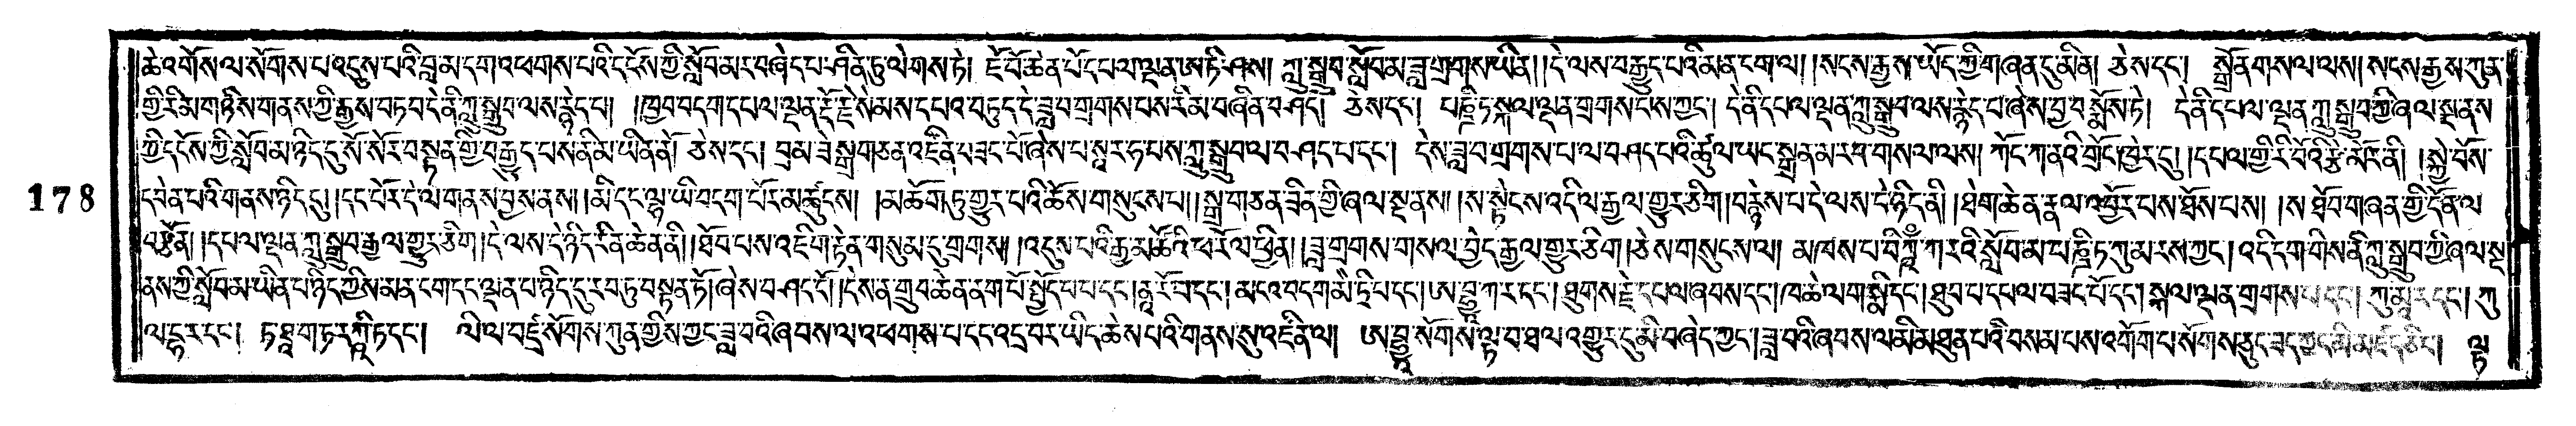ཆེ་འགོས་ལ་སོགས་པ་འདུས་པའི་བླ་མ་དག་འཕགས་པའི་དངོས་ཀྱི་སློབ་མར་བཞེད་པ་ཤིན་ཏུ་ལེགས་ཏེ། ཇོ་བོ་ཆེན་པོ་དཔལ་ལྡན་ཨ་ཏི་ཤེས། ཀླུ་སྒྲུབ་སློབ་མ་ཟླ་གྲགས་ཡིན། །དེ་ལས་བརྒྱུད་པའི་མན་ངག་ལ། །སངས་རྒྱས་ཡོད་ཀྱི་གཞན་དུ་མིན། ཅེས་དང་། སྒྲོན་གསལ་ལས། སངས་རྒྱས་ཀུན་
གྱི་རིམ་གཉིས་གནས་ཀྱི་རྒྱས་བཏབ་དེ་ནི་ཀླུ་སྒྲུབ་ལས་རྙེད་པ། །ཁྱབ་བདག་དཔལ་ལྡན་རྡོ་རྗེ་སེམས་དཔའ་བཏུད་དེ་ཟླ་བ་གྲགས་པས་རིམ་བཞིན་བཤད། ཅེས་དང་། པཎྜི་ཏ་སྐལ་ལྡན་གྲགས་པས་ཀྱང་། དེ་ནི་དཔལ་ལྡན་ཀླུ་སྒྲུབ་ལས་རྙེད་བ་ཞེས་བྱ་བ་སྨོས་ཏེ། དེ་ནི་དཔལ་ལྡན་ཀླུ་སྒྲུབ་ཀྱི་ཞེལ་སྔ་ནས་
གྱི་དངོས་ཀྱི་སློབ་མ་ཉིད་དུ་སོ་སོར་བསྟན་གྱི་བརྒྱུད་པས་ནི་མ་ཡིན་ནོ། ཅེས་དང་། བྲམ་ཟེ་སྒྲ་གཅན་འཛིན་བཟང་པོ་ཞེས་པ་སཱ་ར་ཧ་པས་ཀླུ་སྒྲུབ་ལ་བཤད་པ་དང་། དེས་ཟླ་བ་གྲགས་པ་ལ་བཤད་པའི་ཚུལ་ཡང་སྒྲན་མ་རབ་གསལ་ལས། ཀོང་ཀ་ནའི་གྲོང་ཁྱེར་དུ། །དཔལ་གྱི་རི་བོའི་རྩེ་མོར་ནི། །སྐྱེ་བོས་
དབེན་པའི་གནས་ཉིད་དུ། །དང་པོར་དེ་ལ་གནས་བྱས་ནས། །མི་དང་ལྷ་ཡི་བདག་པོར་མཚུངས། །མཆོག་ཏུ་གྱུར་པའི་ཆོས་གསུངས་པ། །སྒྲ་གཅན་ཟིན་གྱི་ཞལ་སྔ་ནས། །ས་སྟེང་ས་འདི་ལ་རྒྱལ་གྱུར་ཅིག །བརྙེས་པ་དེ་ལས་དེ་ཉིད་ནི། །ཐེག་ཆེན་རྣལ་འབྱོར་པས་ཐོས་པས། །ས་ཐོབ་གཞན་གྱི་དོན་ལ་
བརྩོན། །དཔལ་ལྡན་ཀླུ་སྒྲུབ་རྒྱལ་གྱར་ཅིག། དེ་ལས་དེ་ཉིད་རིན་ཆེན་ནི། །ཐོབ་པས་འཇིག་རྟེན་གསུམ་དུ་གྲགས། །འདུས་པའི་རྒྱ་མཚོའི་ཕ་རོལ་ཕྱིན། །ཟླ་གྲགས་གསལ་བྱེད་རྒྱལ་གྱུར་ཅིག། ཅེས་གསུངས་ལ། མཁས་པ་བིཀྵཾ་ག་རའི་སློབ་མ་པཎྜི་ཏ་ཀུ་མ་རས་ཀྱང་། འདི་དག་གིས་ནི་ཀླུ་སྒྲུབ་ཀྱི་ཞལ་སྔ་
ནས་ཀྱི་སློབ་མ་ཡིན་པ་ཉིད་ཀྱིས་མན་ངག་དང་ལྡན་པ་ཉིད་དུ་རབ་ཏུ་བསྟན་ཏོ། ཞེས་བཤད་དོ། །དེས་ན་གྲུབ་ཆེན་ནག་པོ་སྤྱོད་པ་པ་དང་། ནཱ་རོ་བ་དང་། མངའ་བདག་མཻ་ཏྲི་པ་དང་། ཨ་བྷྱཱ་ཀ་ར་དང་། ཐུགས་རྗེ་དཔལ་ཞབས་དང་། ཁ་ཆེ་ལག་སྨི་དང་། ཐུབ་པ་དཔལ་བཟང་པོ་དང་། སྐལ་ལྡན་གྲགས་པ་དང་། ཀུ་མཱ་ར་དང་། ཀུ་
ལ་དྷ་ར་དང་། ཏ་ཐཱ་ག་ཏ་རཀྵི་ཏ་དང་། ལི་ལ་བཛྲ་སོགས་ཀུན་གྱིས་ཀྱང་ཟླ་བའི་ཞབས་ལ་འཕགས་པ་དང་འདྲ་བར་ཡིད་ཆེས་པའི་གནས་སུ་འཛིན་ལ། ཨ་བྷྱཱ་སོགས་ལྟ་བ་ཐལ་འགྱུར་དུ་མི་བཞེད་ཀྱང་། ཟླ་བའི་ཞབས་ལ་མི་མཐུན་པའི་བསམ་པས་འགོག་པ་སོགས་ཅུང་ཟད་ཀྱང་མི་མཛད་ཅིང་། ལྟ་